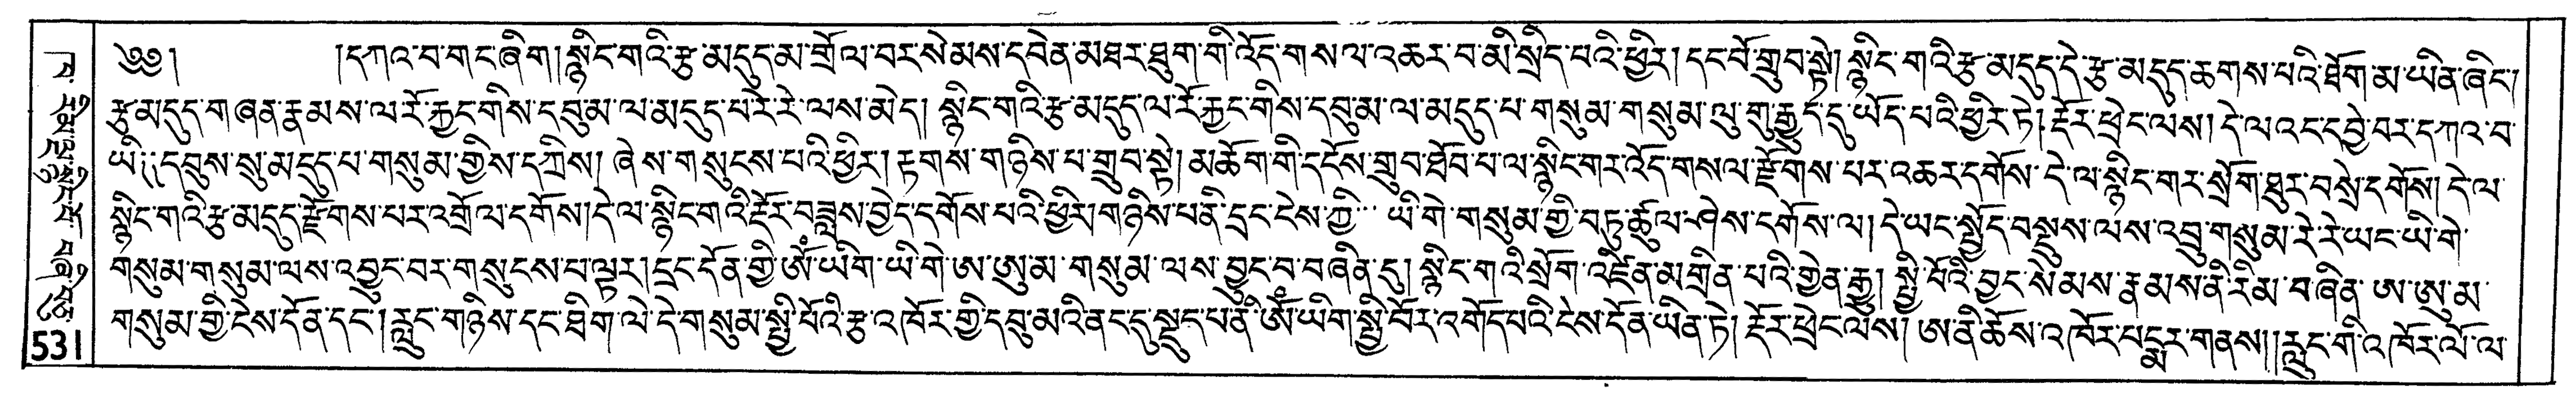༄༅། །དཀའ་བ་གང་ཞིག །སྙིང་གའི་རྩ་མདུད་མ་གྲོལ་བར་སེམས་དབེན་མཐར་ཐུག་གི་འོད་གསལ་འཆར་བ་མི་སྲིད་པའི་ཕྱིར། དང་པོ་གྲུབ་སྟེ། སྙིང་གའི་རྩ་མདུད་དེ་རྩ་མདུད་ཆགས་པའི་ཐོག་མ་ཡིན་ཞིང་།
རྩ་མདུད་གཞན་རྣམས་ལ་རོ་རྐྱང་གིས་དབུ་མ་ལ་མདུད་པ་རེ་རེ་ལས་མེད། སྙིང་གའི་རྩ་མདུད་ལ་རོ་རྐྱང་གིས་དབུ་མ་ལ་མདུད་པ་གསུམ་གསུམ་ལུ་གུ་རྒྱུད་དུ་ཡོད་པའི་ཕྱིར་ཏེ། རྡོར་ཕྲེང་ལས། དེ་ལའང་དབྱེ་བར་དཀའ་བ་
ཡི༑ ༑དབུས་སུ་མདུད་པ་གསུམ་གྱིས་དཀྲིས། ཞེས་གསུངས་པའི་ཕྱིར། རྟགས་གཉིས་པ་གྲུབ་སྟེ། མཆོག་གི་དངོས་གྲུབ་ཐོབ་པ་ལ་སྙིང་གར་འོད་གསལ་རྫོགས་པར་འཆར་དགོས་དེ་ལ་སྙིང་གར་སྲོག་ཐུར་བསྲེ་དགོས། དེ་ལ་
སྙིང་གའི་རྩ་མདུད་རྫོགས་པར་འགྲོལ་དགོས། དེ་ལ་སྙིང་གའི་རྡོར་བཟླས་བྱེད་དགོས་པའི་ཕྱིར། གཉིས་པ་ནི་དྲང་ངེས་ཀྱི་ཡི་གེ་གསུམ་གྱི་བཏུ་ཚུལ་ཤེས་དགོས་ལ། དེ་ཡང་སྤྱོད་བསྡུས་ལས་འབྲུ་གསུམ་རེ་རེ་ཡང་ཡི་གེ་
གསུམ་གསུམ་ལས་འབྱུང་བར་གསུངས་པ་ལྟར། དྲང་དོན་གྱི་ཨོཾ་ཡིག་ཡི་གེ་ཨ་ཨུ་མ་གསུམ་ལས་བྱུང་བ་བཞིན་དུ། སྙིང་གའི་སྲོག་འཛིན་མགྲིན་པའི་གྱེན་རྒྱུ། སྤྱི་བོའི་བྱང་སེམས་རྣམས་ནི་རིམ་བཞིན་ཨ་ཨུ་མ་
གསུམ་གྱི་ངེས་དོན་དང་། རླུང་གཉིས་དང་ཐིག་ལེ་དེ་གསུམ་སྤྱི་བོའི་རྩ་འཁོར་གྱི་དབུ་མའི་ནང་དུ་སྡུད་པ་ནི་ཨོཾ་ཡིག་སྤྱི་བོར་འགོད་པའི་ངེས་དོན་ཡིན་ཏེ། རྡོར་ཕྲེང་ལས། ཨ་ནི་ཆོས་འཁོར་པདམར་གནས། །རླུང་གི་འཁོར་ལོ་ལ་